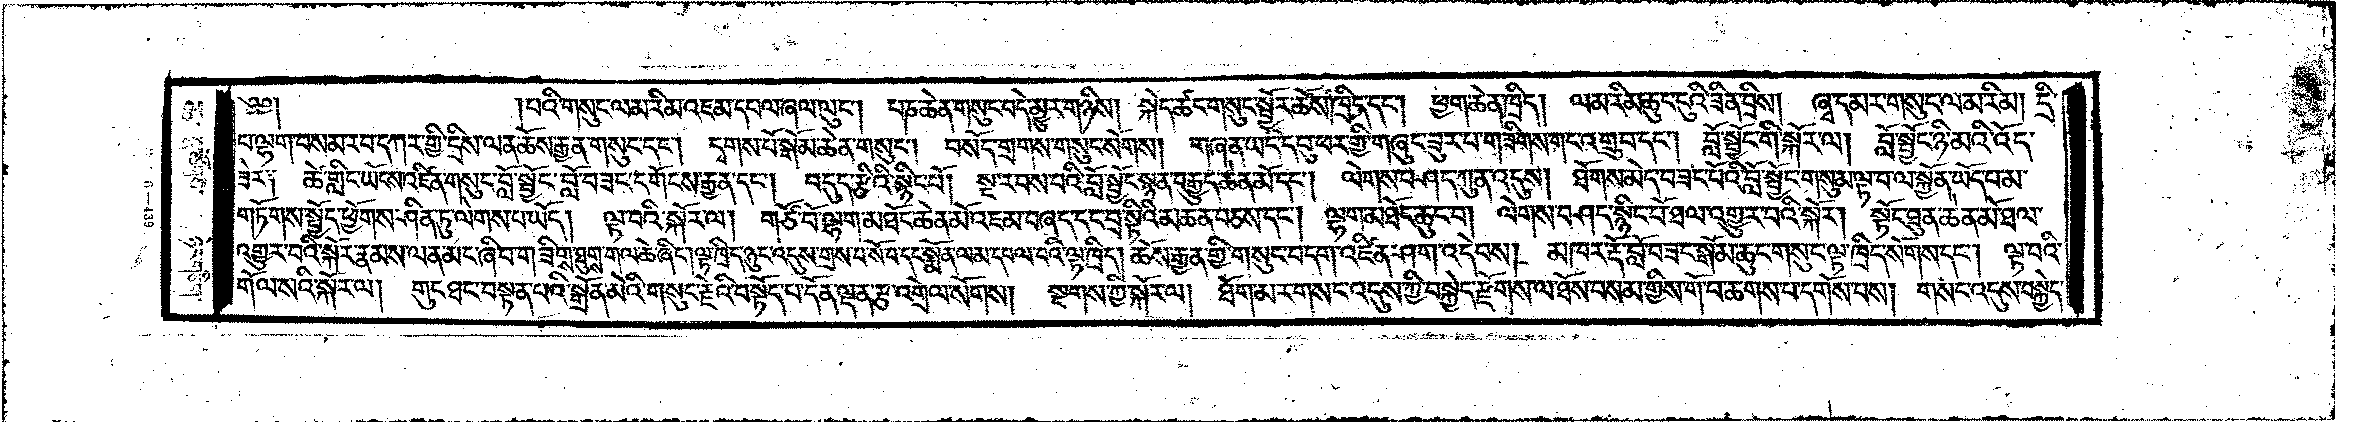༄༅། །པའི་གསུང་ལམ་རིམ་འཇམ་དཔལ་ཞལ་ལུང་། པཎ་ཆེན་གསུང་བདེ་མྱུར་གཉིས། སྐེད་ཚང་གསུང་སྦྱོར་ཆོས་ཁྲིད་དང་། ཕྱག་ཆེན་ཁྲིད། ལམ་རིམ་ཆུང་ངུའི་ཟིན་བྲིས། ཞྭ་དམར་གསུང་ལམ་རིམ། དྲི་
པ་ལྷག་བསམ་རབ་དཀར་གྱི་དྲིས་ལན་ཆོས་རྒྱན་གསུང་དང་། དྭགས་པོ་སྒོམ་ཆེན་གསུང་། བསོད་གྲྭགས་གསུང་སོགས། གཞན་ཡང་དབུ་ཕར་གྱི་གཞུང་ཟུར་པ་གཟིགས་གང་འགྲུབ་དང་། བློ་སྦྱོང་གི་སྐོར་ལ། བློ་སྦྱོང་ཉི་མའི་འོད་
ཟེར༑ ཚེ་གླིང་ཡོངས་འཛིན་གསུང་བློ་སྦྱོང་བློ་བཟང་དགོངས་རྒྱན་དང་། བདུད་རྩིའི་སྙིང་པོ། སྔ་རབས་པའི་བློ་སྦྱོང་སྙན་བརྒྱུད་ཆེན་མོ་དང་། ལེགས་བཤད་ཀུན་འདུས། ཐོགས་མེད་བཟང་པོའི་བློ་སྦྱོང་གསུམ་ལྟ་བ་ལ་སྐྱོན་ཡོད་པ་མ་
གཏོགས་སྤྱོད་ཕྱོགས་ཤིན་ཏུ་ལེགས་པ་ཡོད། ལྟ་བའི་སྐོར་ལ། གཙོ་བོ་ལྷག་མཐོང་ཆེན་མོ་འཇམ་བཞད་དང་བྲ་སྟིའི་མཆན་བཅས་དང་། ལྷག་མཐོང་ཆུང་བ། ལེགས་བཤད་སྙིང་པོ་ཐལ་འགྱུར་བའི་སྐོར། སྟོང་ཐུན་ཆེན་མོ་ཐལ་
འགྱུར་བའི་སྐོར་རྣམས་ལན་མང་ཞིབ་གཟིགས་ཐུགས་གལ་ཆེ་ཞིང་། ལྟ་ཁྲིད་ཉུང་འདུས་གྲས་བ་སོ་བ་དང་སྨོན་ལམ་དཔལ་བའི་ལྟ་ཁྲིད། ཆོས་རྒྱན་གྱི་གསུང་བདག་འཛིན་ཤག་འདེབས། མཁར་རྡོ་བློ་བཟང་སྒོམ་ཆུང་གསུང་ལྟ་ཁྲིད་སོགས་དང་། ལྟ་བའི་
གོལ་སའི་སྐོར་ལ། གུང་ཐང་བསྟན་པའི་སྒྲོན་མེའི་གསུང་རྗེའི་བསྟོད་པ་དོན་ལྡན་རྩ་འགྲེལ་སོགས། སྔགས་ཀྱི་སྐོར་ལ། ཐོག་མར་གསང་འདུས་ཀྱི་བསྐྱེད་རྫོགས་ལ་ཐོས་བསམ་གྱིས་གོ་བ་ཆགས་པ་དགོས་པས། གསང་འདུས་བསྐྱེད་